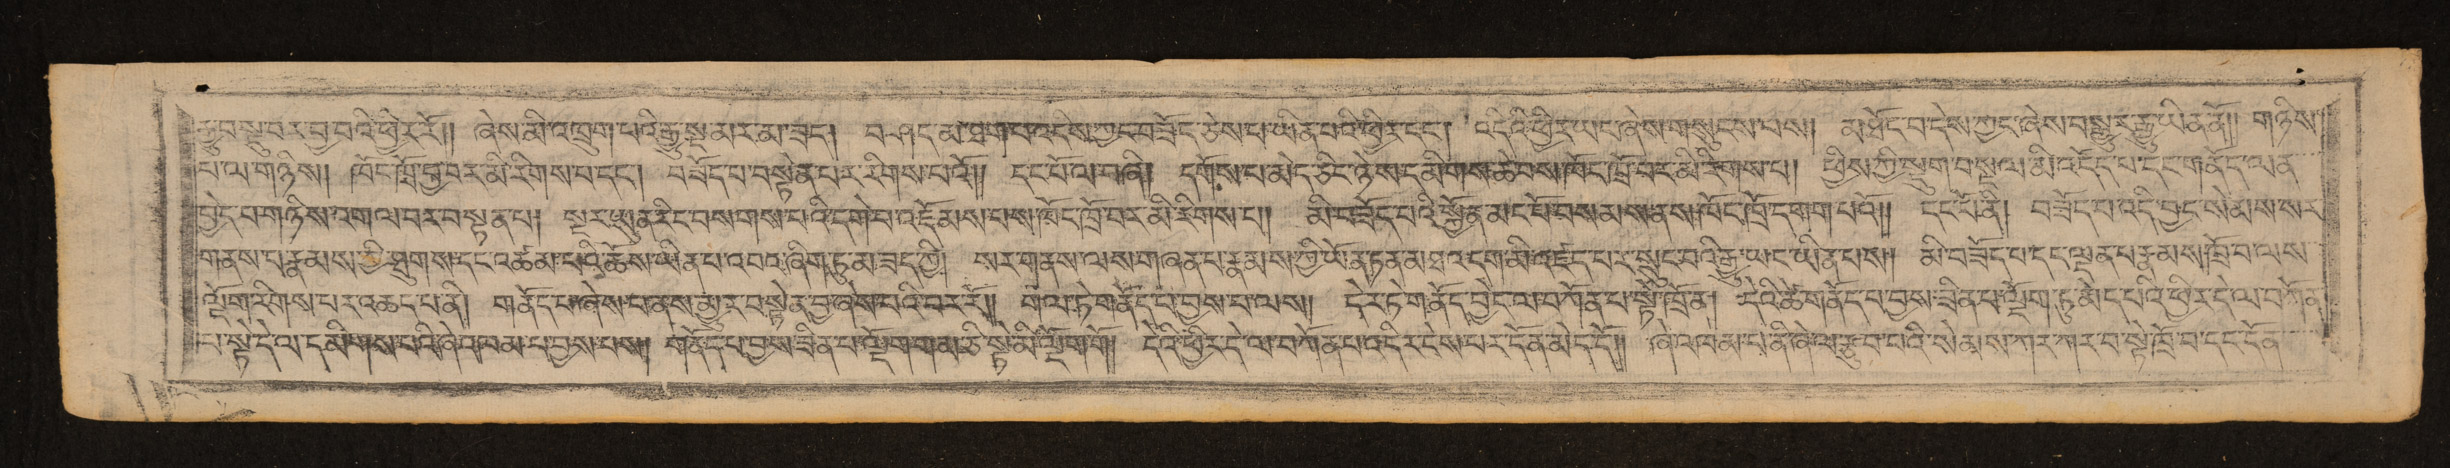རྒྱུ་བསྡུ་བར་བྱ་བའི་ཕྱིར་རོ།། ཞེས་མི་འཁྲུག་པའི་རྒྱུ་སྔ་མར་མ་ཟད། བཤད་མ་ཐག་པ་འདིས་ཀྱང་བཟོད་ཅེས་པ་ཡིན་པའི་ཕྱིར་དང་། འདིའི་ཕྱིར་ཡང་ཞེས་གསུངས་པས། མཐོང་བ་དེས་ཀྱང་ཞེས་བསྒྱུར་རྒྱུ་ཡིན་ནོ།། གཉིས་
པ་ལ་གཉིས། ཁོང་ཁྲོ་བྱ་བར་མི་རིགས་པ་དང་། བཟོད་པ་བསྟེན་པར་རིགས་པའོ།། དང་པོ་ལ་བཞི། དགོས་པ་མེད་ཅིང་ཉེས་དམིགས་ཆེ་བས་ཁོང་ཁྲོ་བར་མི་རིགས་པ། ཕྱིས་ཀྱི་སྡུག་བསྔལ་མི་འདོད་པ་དང་གནོད་ལན་
བྱེད་པ་གཉིས་འགལ་བར་བསྟན་པ། སྔར་ཡུན་རང་བསགས་པའི་དགེ་བ་འཇོམས་པས་ཁོང་ཁྲོ་བར་མི་རིགས་པ། མི་བཟོད་པའི་སྐྱོན་མང་པོ་བསམས་ནས་ཁོང་ཁྲོ་དགག་པའོ།། དང་པོ་ནི། བཟོད་པ་འདི་བྱང་སེམས་སར་
གནས་པ་རྣམས་ཀྱི་ཐུགས་དང་འཚམས་པའི་ཆོས་ཡིན་པ་འབའ་ཞིག་ཏུ་མ་ཟད་ཀྱི། སར་གནས་ལས་གཞན་པ་རྣམས་ཀྱི་ཡོན་ཏན་མཐའ་དག་མི་འཛད་པར་སྲུང་བའི་རྒྱུ་ཡང་ཡིན་པས། མི་བཟོད་པ་དང་ལྡན་པ་རྣམས་ཁྲོ་བ་ལས་
ལྡོག་རིགས་པར་འཆད་པ་ནི། གནོད་པ་ཞེས་པ་ནས་མྱུར་བསྟེན་བྱ་ཞེས་པའི་བར་རོ།། གལ་ཏེ་གནོད་པ་བྱས་པ་ལས། དེར་ཏེ་གནོད་བྱེད་ལ་བཀོན་པ་སྟེ་ཁྲོ་ན། དེའི་ཚེ་གནོད་པ་བྱས་ཟིན་པ་ལྡོག་ཏུ་མེད་པའི་ཕྱིར་དེ་ལ་བཀོན་
པ་སྟེ་དེ་ལ་དམིགས་པའི་ཞེ་འཁམ་པ་བྱས་པས། གནོད་པ་བྱས་ཟིན་པ་ལྡོག་གམ་ཅི་སྟེ་མི་ལྡོག་གོ། དེའི་ཕྱིར་དེ་ལ་བཀོན་པ་འདིར་ངེས་པར་དོན་མེད་དོ།། ཞེ་འཁམ་པ་ནི་ཞེ་ལ་རྩུབ་པའི་སེམས་ཀར་ཀར་བ་སྟེ་ཁྲོ་བ་དང་དོན་